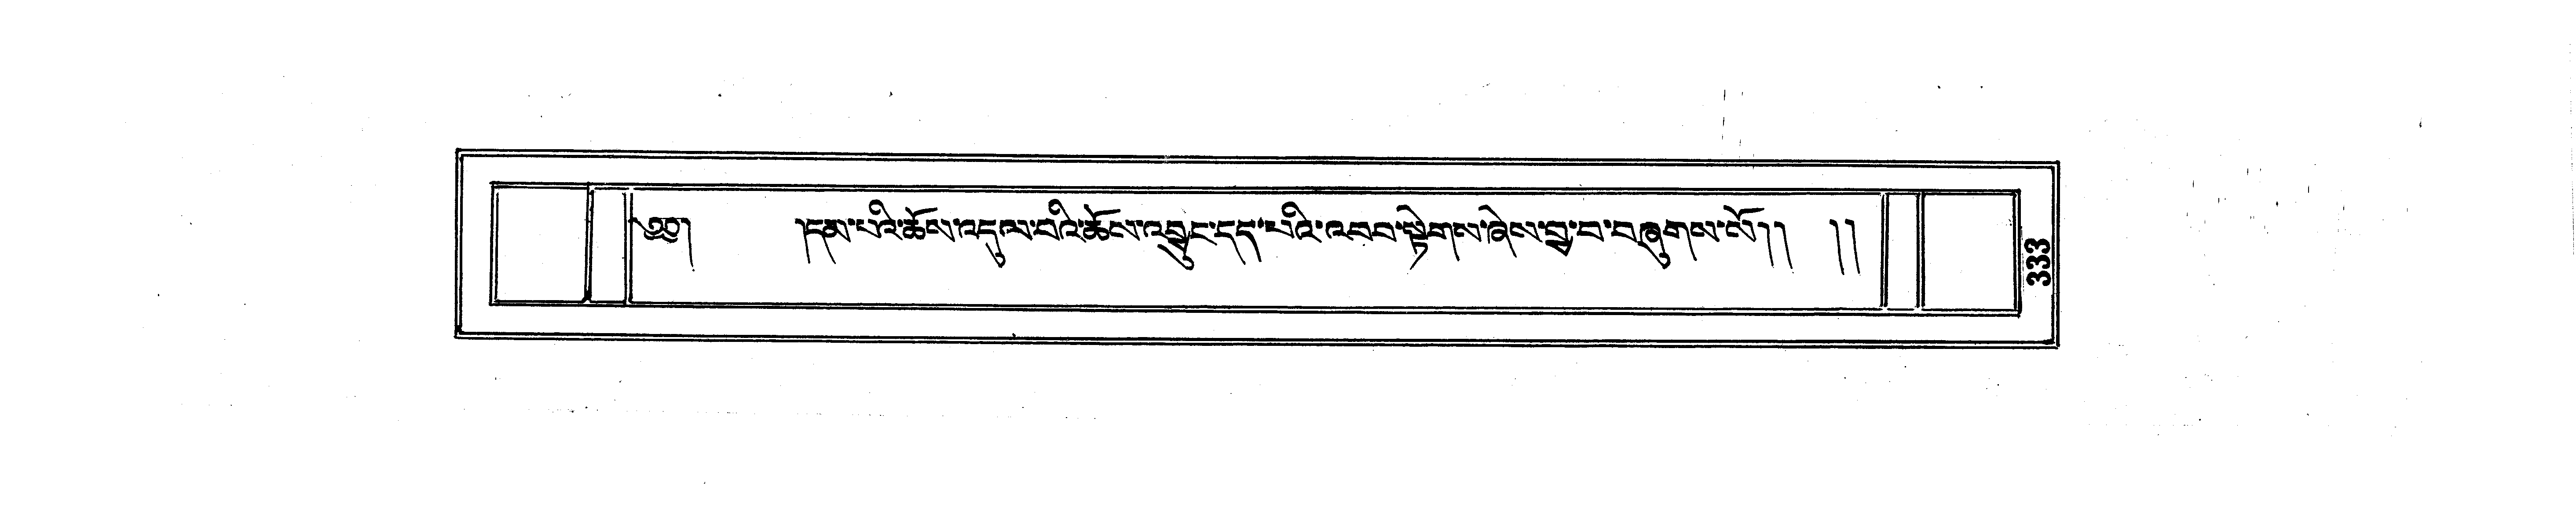༄༅། །དམ་པའི་ཆོས་འདུལ་བའི་ཆོས་འབྱུང་དད་པའི་འབབ་སྟེགས་ཞེས་བྱ་བ་བཞུགས་སོ།། །།